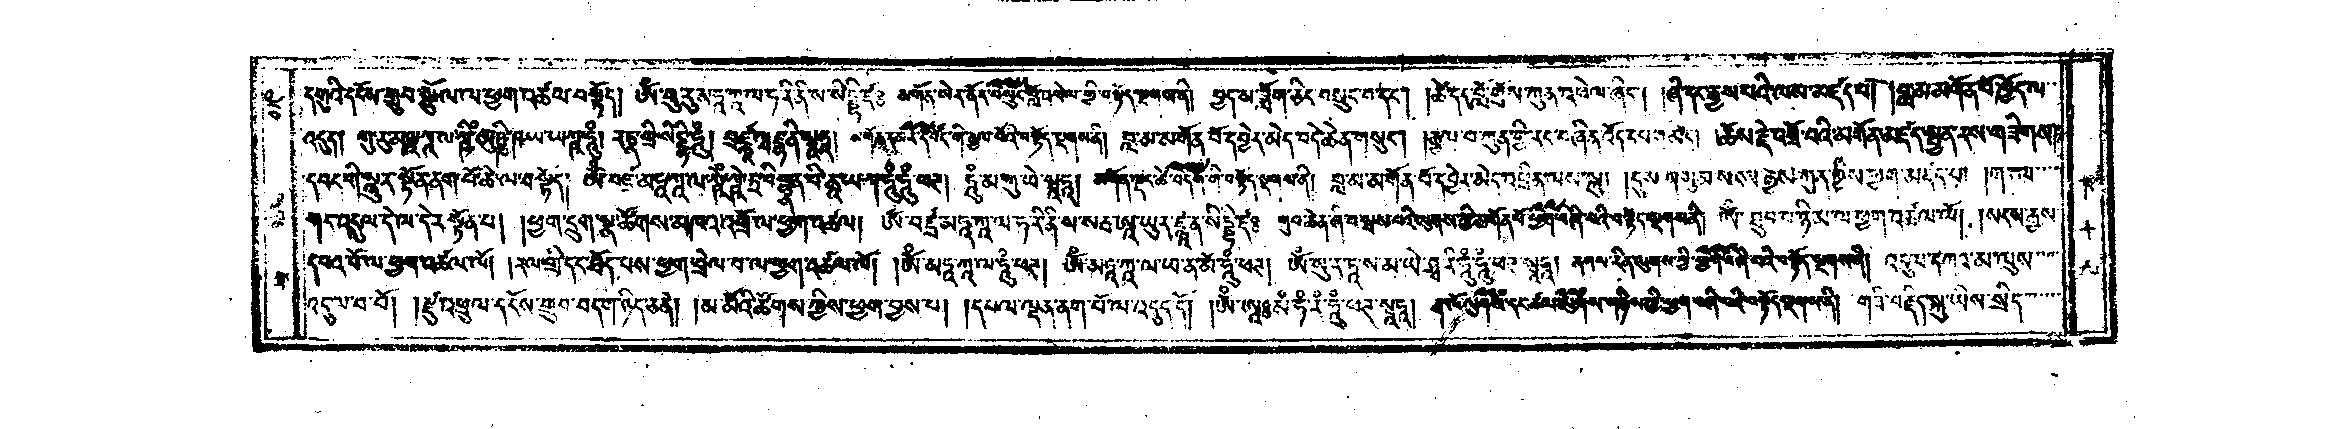དགུའི་དངོས་གྲུབ་སྩོལ་ལ་ཕྱག་འཚལ་བསྟོད། ཨོཾ་གུ་རུ་མཧཱ་ཀཱ་ལ་ཧ་རི་ནི་ས་སིདྡྷི་ཛཿ མགོན་སེར་ནོར་བསྲུང༢༣༥་བློ་འཕེལ་གྱི་བསྟོད་སྔགས་ནི། བྱད་མ་ཟློག་ཅིང་བསྲུང་བ་དང་། །ཚེ་དང་བློ་གྲོས་ཀུན་འཕེལ་ཞིང་། །ཞི་དང་རྒྱས་པའི་ལས་མཛད་པ། །བླ་མ་མགོན་པོ་ཁྱོད་ལ་
འདུད། གུ་རུ་མཧཱ་ཀཱ་ལ་ཀྵིཾ་ཨུཥྞི་ཥ་ཡ་ཡཀྵ་ཧཱུཾ། རཏྣ་གྲི་སིདྡྷི་ཧཱུཾ། པྲཛྙཱ་ཝཇྷ?་ནི་སྭཱཧཱ། མགོན་དམར ༢༣༦་དབང་གི་རྒྱལ་པོའི་བསྟོད་སྔགས་ནི། བླ་མ་མགོན་པོ་དབྱེར་མེད་བདེ་ཆེན་གསུང་། །རྒྱལ་བ་ཀུན་གྱི་རང་བཞིན་འོད་དཔག་མེད། །ཆོས་རྗེ་འགྲོ་བའི་མགོན་མཛད་སྤྱན་རས་གཟིགས།།
དབང་གི་སྐུར་སྟོན་ནག་པོ་ཆེ་ལ་བསྟོད། ཨོཾ་བཛྲ་མཧཱ་ཀཱ་ལ་ཀྵེཾ་ཀྵེ་ཏྲ་བི་གྷྣན་བི་ནཱ་ཡ་ཀ་ཧཱུཾ་ཧཱུཾ་ཕཊ། ཧཱུཾ་མ་གུ་ཡེ་སྭཱཧཱ། མགོན་ལྗང་ཚེ་བདག༢༣༧་གི་བསྟོད་སྔགས་ནི། བླ་མ་མགོན་པོ་དབྱེར་མེད་འཕྲིན་ལས་སྐུ། །དུས་གསུམ་སངས་རྒྱས་ཀུན་གྱིས་ཕྱག་མཛད་པ། །གང་ལ་
གང་འདུལ་དེ་ལ་དེར་སྟོན་པ། །ཕྱག་དྲུག་སྣ་ཚོགས་མཁའ་འགྲོ་ལ་ཕྱག་འཚལ། ཨོཾ་བཛྲ་མཧཱ་ཀཱ་ལ་ཧ་རི་ནི་ས་སརྦ་ཨཱ་ཡུར་ཛྙཱ་ན་སིདྡྷི་ཛཿ གྲུབ་ཆེན་ཞི་བ་སྦས་པའི་ལུགས་ཀྱི་མགོན་པོ་ཕྱག་བཞི༢༣༨་པའི་བསྟོད་སྔགས་ནི། ཨོཾ་ཐུབ་པ་ཉི་མ་ལ་ཕྱག་འཚལ་ལོ། །སངས་རྒྱས་
དཔའ་བོ་ལ་ཕྱག་འཚལ་ལོ། །རལ་གྲི་དང་ཐོད་པས་ཕྱག་བྲེལ་བ་ལ་ཕྱག་འཚལ་ལོ། །ཨོཾ་མཧཱ་ཀཱ་ལ་ཧཱུཾ་ཕཊ། ཨོཾ་མཧཱ་ཀཱ་ལ་ཡ་ན་མོ་ཧཱུཾ་ཕཊ། ཨོཾ་སུ་ར་ཏཱ་ས་མ་ཡེ་ཤྭ་རི་ཧཱུཾ་ཧཱུཾ་ཕཊ་སྭཱཧཱ། ནགས་རིན་ལུགས་ཀྱི་ཕྱག༢༣༩་བཞི་པའི་བསྟོད་སྔགས་ནི། འདུལ་དཀའ་མ་ལུས་
འདུལ་བ་པོ། །རྫུ་འཕྲུལ་དངོས་གྲུབ་བདག་ཉིད་ཅན། །མ་མོའི་ཚོགས་ཀྱིས་ཕྱག་བྱས་པ། །དཔལ་ལྡན་ནག་པོ་ལ་འདུད་དོ། །ཨོཾ་ཨཱཿམཾ་ཧཾ་རཾ་ཧཱུཾ་ཕཊ་སྭཱཧཱ། རྒ་ལོ་ལུགས༢༤༠?་དང་ཚལ་ལུགས༢༤༡་གཉིས་ཀྱི་ཕྱག་བཞི་པའི་བསྟོད་སྔགས་ནི། གཟི་བརྗིད་སྐུ་ཡིས་སྲིད་